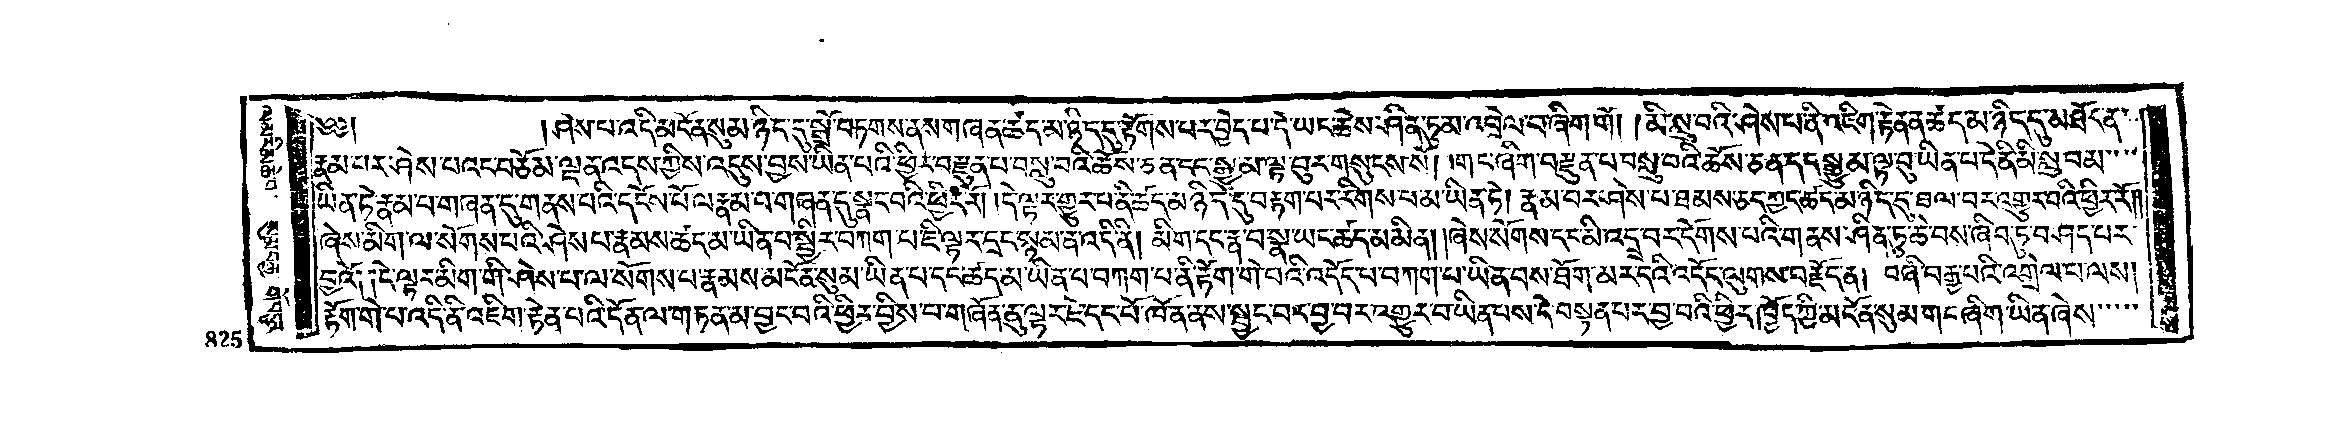༄༅། །ཤེས་པ་འདི་མངོན་སུམ་ཉིད་དུ་སྒྲོ་བཏགས་ནས་གཞན་ཚད་མ་ཉིད་དུ་རྟོགས་པར་བྱེད་པ་དེ་ཡང་ཆེས་ཤིན་ཏུ་མ་འབྲེལ་བ་ཞིག་གོ །མི་སླུ་བའི་ཤེས་པ་ནི་འཇིག་རྟེན་ན་ཚད་མ་ཉིད་དུ་མཐོང་ན་
རྣམ་པར་ཤེས་པའང་བཅོམ་ལྡན་འདས་ཀྱིས་འདུས་བྱས་ཡིན་པའི་ཕྱིར་བརྫུན་པ་བསླུ་བའི་ཆོས་ཅན་དང་སྒྱུ་མ་ལྟ་བུར་གསུངས་སོ། །གང་ཞིག་བརྫུན་པ་བསླུ་བའི་ཆོས་ཅན་དང་སྒྱུ་མ་ལྟ་བུ་ཡིན་པ་དེ་ནི་མི་སླུ་བ་མ་
ཡིན་ཏེ་རྣམ་པ་གཞན་དུ་གནས་པའི་དངོས་པོ་ལ་རྣམ་པ་གཞན་དུ་སྣང་བའི་ཕྱིར་རོ། །དེ་ལྟར་གྱུར་པ་ནི་ཚད་མ་ཉིད་དུ་བརྟག་པར་རིགས་པ་མ་ཡིན་ཏེ། རྣམ་པར་ཤེས་པ་ཐམས་ཅད་ཀྱང་ཚད་མ་ཉིད་དུ་ཐལ་བར་འགྱུར་བའི་ཕྱིར་རོ། །
ཞེས་མིག་ལ་སོགས་པའི་ཤེས་པ་རྣམས་ཚད་མ་ཡིན་པ་སྤྱིར་བཀག་པ་ཇི་ལྟར་དྲང་སྙམ་ན་འདི་ནི། མིག་དང་རྣ་བ་སྣ་ཡང་ཚད་མ་མིན། །ཞེས་སོགས་དང་མི་འདྲ་བར་དོགས་པའི་གནས་ཤིན་ཏུ་ཆེ་བས་ཞི་བ་ཏུ་བཤད་པར་
བྱའོ༑ ༑དེ་ལྟར་མིག་གི་ཤེས་པ་ལ་སོགས་པ་རྣམས་མངོན་སུམ་ཡིན་པ་དང་ཚད་མ་ཡིན་པ་བཀག་པ་ནི་རྟོག་གེ་པའི་འདོད་པ་བཀག་པ་ཡིན་པས་ཐོག་མར་དེའི་འདོད་ལུགས་བརྗོད་ན། བཞི་བརྒྱ་པའི་འགྲེལ་པ་ལས།
རྟོག་གེ་པ་འདི་ནི་འཇིག་རྟེན་པའི་དོན་ལ་གཏན་མ་བྱང་བའི་ཕྱིར་བྱིས་པ་གཞོན་ནུ་ལྟར་ཇེ་དང་པོ་ཁོ་ན་ནས་སྦྱང་བར་བྱ་བར་འགྱུར་བ་ཡིན་པས་དེ་བསྟན་པར་བྱ་བའི་ཕྱིར་ཁྱོད་ཀྱི་མངོན་སུམ་གང་ཞིག་ཡིན་ཞེས་